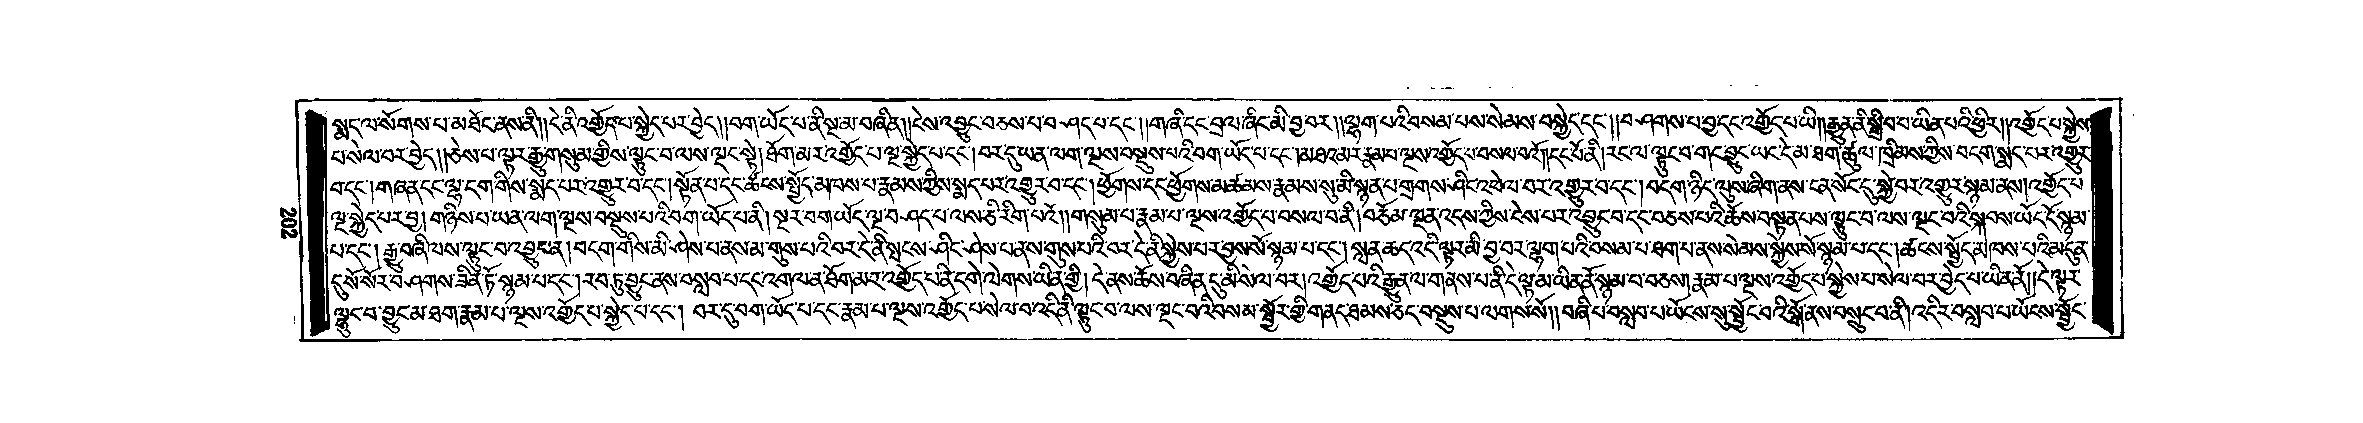སྨད་ལ་སོགས་པ་མཐོང་ནས་ནི། །དེ་ནི་འགྱོད་པ་སྐྱེད་པར་བྱེད། །བག་ཡོད་པ་ནི་སྔ་མ་བཞིན། །ངེས་འབྱུང་བཅས་པ་བཤད་པ་དང་། །གཞི་དང་བྲལ་ཞིང་མི་བྱ་བར། །ལྷག་པའི་བསམ་པས་སེམས་བསྐྱེད་དང་། །བཤགས་པ་བྱ་དང་འགྱོད་པ་ཡི། །རྒྱུན་ནི་སྒྲིབ་པ་ཡིན་པའི་ཕྱིར། །འགྱོད་པ་སྐྱེས་
པ་སེལ་བར་བྱེད། །ཅེས་པ་ལྟར་རྒྱུ་གསུམ་གྱིས་ལྟུང་བ་ལས་ལྡང་སྟེ། ཐོག་མར་འགྱོད་པ་ལྔ་སྐྱེད་པ་དང་། བར་དུ་ཡན་ལག་ལྔས་བསྡུས་པའི་བག་ཡོད་པ་དང་། མཐའ་མར་རྣམ་པ་ལྔས་འགྱོད་པ་བསལ་བའོ། །དང་པོ་ནི། རང་ལ་ལྟུང་བ་གང་བྱུང་ཡང་དེ་མ་ཐག་ཚུལ་ཁྲིམས་ཀྱིས་བདག་སྨད་པར་འགྱུར་
བ་དང་། གཞན་དང་ལྷ་དག་གིས་སྨད་པར་འགྱུར་བ་དང་། སྟོན་པ་དང་ཚངས་སྤྱོད་མཁས་པ་རྣམས་ཀྱིས་སྨད་པར་འགྱུར་བ་དང་། ཕྱོགས་དང་ཕྱོགས་མཚམས་རྣམས་སུ་མི་སྙན་པ་གྲགས་ཤིང་འཕེལ་བར་འགྱུར་བ་དང་། བདག་ཉིད་ལུས་ཞིག་ནས་ངན་སོང་དུ་སྐྱེ་བར་འགྱུར་སྙམ་ནས། འགྱོད་པ་
ལྔ་སྐྱེད་པར་བྱ། གཉིས་པ་ཡན་ལག་ལྔས་བསྡུས་པའི་བག་ཡོད་པ་ནི། སྔར་བག་ཡོད་ལྔ་བཤད་པ་ལས་ཅི་རིག་པའོ། །གསུམ་པ་རྣམ་པ་ལྔས་འགྱོད་པ་བསལ་བ་ནི། བཅོམ་ལྡན་འདས་ཀྱིས་ངེས་པར་འབྱུང་བ་དང་བཅས་པའི་ཆོས་བསྟན་པས་ལྟུང་བ་ལས་ལྡང་བའི་སྐབས་ཡོད་དོ་སྙམ་
པ་དང་། རྒྱུ་བཞི་ལས་ལྟུང་བ་འབྱུང་ན། བདག་གིས་མི་ཤེས་པ་ནས་མ་གུས་པའི་བར་དེ་ནི་སྤངས་ཤིང་ཤེས་པ་ནས་གུས་པའི་བར་དེ་ནི་སྐྱེས་པར་བྱས་སོ་སྙམ་པ་དང་། སླན་ཆད་འདི་ལྟར་མི་བྱ་བར་ལྷག་པའི་བསམ་པ་ཐག་པ་ནས་སེམས་སྐྱེས་སོ་སྙམ་པ་དང་། ཚངས་སྤྱོད་མཁས་པའི་མདུན་
དུ་སོ་སོར་བཤགས་ཟིན་ཏོ་སྙམ་པ་དང་། རབ་ཏུ་བྱུང་ནས་བསླབ་པ་དང་འགལ་ན་ཐོག་མར་འགྱོད་པ་ནི་དགེ་ལེགས་ཡིན་གྱི། དེ་ནས་ཆོས་བཞིན་དུ་མི་སེལ་བར། འགྱོད་པའི་རྒྱུན་ལ་གནས་པ་ནི་དེ་ལྟ་མ་ཡིན་ནོ་སྙམ་པ་བཅས། རྣམ་པ་ལྔས་འགྱོད་པ་སྐྱེས་པ་སེལ་བར་བྱེད་པ་ཡིན་ནོ། །དེ་ལྟར་
ལྷུང་བ་བྱུང་མ་ཐག་རྣམ་པ་ལྔས་འགྱོད་པ་སྐྱེད་པ་དང་། བར་དུ་བག་ཡོད་པ་དང་རྣམ་པ་ལྔས་འགྱོད་པ་སེལ་བ་འདི་ནི་ལྟུང་བ་ལས་ལྡང་བའི་བསམ་སྦྱོར་གྱི་གནད་ཐམས་ཅད་བསྡུས་པ་ལགས་སོ། །བཞི་པ་བསླབ་པ་ཡོངས་སུ་སྦྱོང་བའི་སྒོ་ནས་བསྲུང་བ་ནི། འདིར་བསླབ་པ་ཡོངས་སྦྱོང་